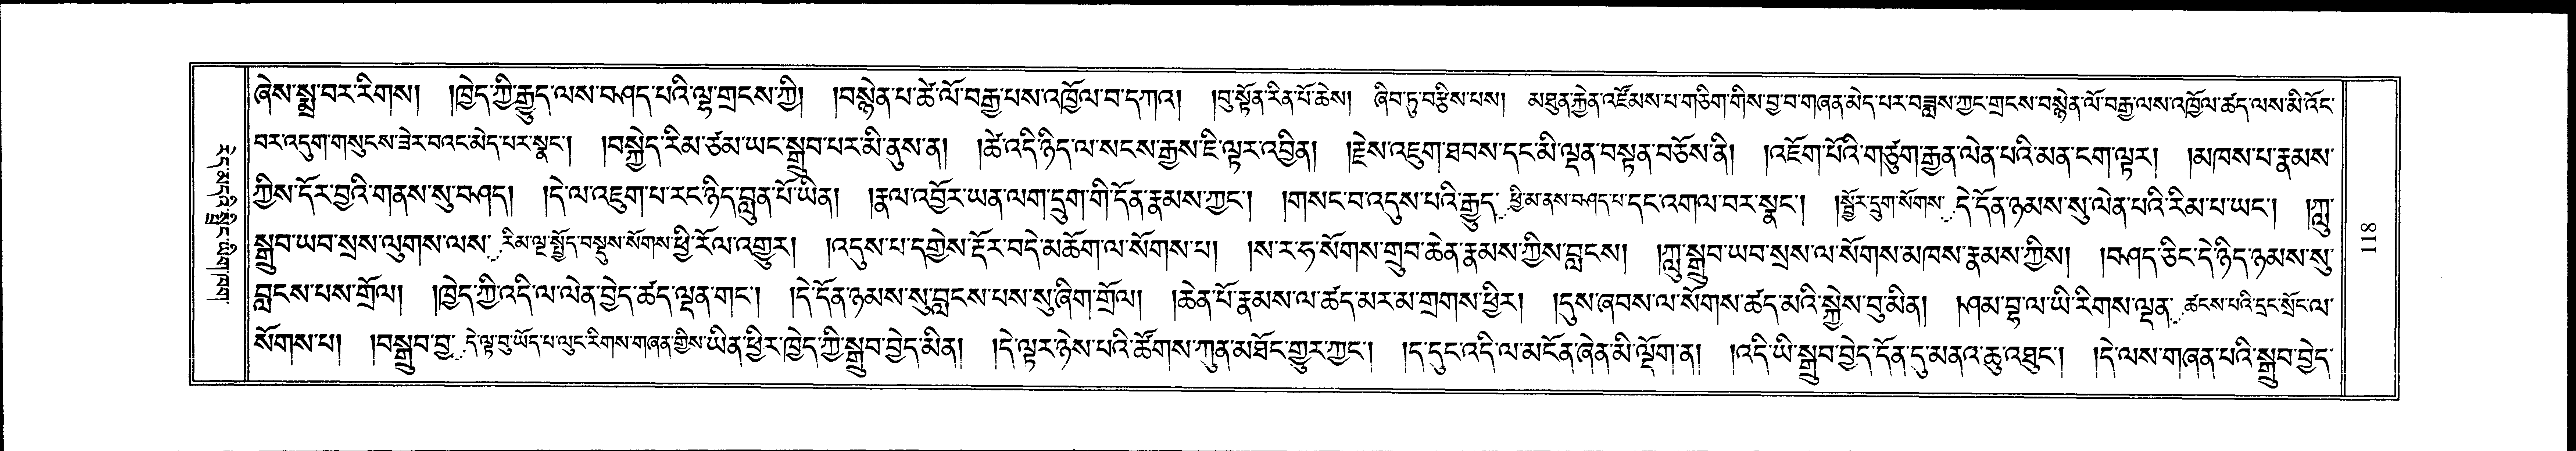ཞེས་སྨྲ་བར་རིགས། །ཁྱེད་ཀྱི་རྒྱུད་ལས་བཤད་པའི་ལྷ་གྲངས་ཀྱི། །བསྙེན་པ་ཚེ་ལོ་བརྒྱ་པས་འཁྱོལ་བ་དཀའ། །བུ་སྟོན་རིན་པོ་ཆེས། ཞིབ་ཏུ་བརྩིས་པས། མཐུན་རྐྱེན་འཛོམས་པ་གཅིག་གིས་བྱ་བ་གཞན་མེད་པར་བཟླས་ཀྱང་གྲངས་བསྙེན་ལོ་བརྒྱ་ལས་འཁྱོལ་ཚད་ལས་མི་འོང་
བར་འདུག་གསུངས་ཟེར་བའང་མེད་པར་སྣང་། །བསྐྱེད་རིམ་ཙམ་ཡང་སྒྲུབ་པར་མི་ནུས་ན། །ཚེ་འདི་ཉིད་ལ་སངས་རྒྱས་ཇི་ལྟར་འབྱིན། །རྗེས་འཇུག་ཐབས་དང་མི་ལྡན་བསྟན་བཅོས་ནི། །འཇོག་པའི་གཙུག་རྒྱན་ལེན་པའི་མན་ངག་ལྟར། །མཁས་པ་རྣམས་
ཏྐྱིས་དོར་བྱའི་གནས་སུ་བཤད། །དེ་ལ་འཇུག་པ་རང་ཉིད་བླུན་པོ་ཡིན། །རྣལ་འབྱོར་ཡན་ལག་དྲུག་གི་དོན་རྣམས་ཀྱང་། །གསང་བ་འདུས་པའི་རྒྱུད་ཕྱི་མ་ནས་བཤད་པ་དང་འགལ་བར་སྣང་། །སྦྱོར་དྲུག་སོགས་དེ་དོན་ཉམས་སུ་ལེན་པའི་རིམ་པ་ཡང་། །ཀླུ་
སྒྲུབ་ཡབ་སྲས་ལུགས་ལས་རིམ་ལྔ་སྤྱོད་བསྡུས་སོགས་ཕྱི་རོལ་འགྱུར། །འདུས་པ་དགྱེས་རྡོར་བདེ་མཆོག་ལ་སོགས་པ། །ས་ར་ཧ་སོགས་གྲུབ་ཆེན་རྣམས་ཀྱིས་བླངས། །ཀླུ་སྒྲུབ་ཡབ་སྲས་ལ་སོགས་མཁས་རྣམས་ཀྱིས། །བཤད་ཅིང་དེ་ཉིད་ཉམས་སུ་
བླངས་པས་གྲོལ། །ཁྱེད་ཀྱི་འདི་ལ་ལེན་བྱེད་ཚད་ལྡན་གང་། །དེ་དོན་ཉམས་སུ་བླངས་པས་སུ་ཞིག་གྲོལ། །ཆེན་པོ་རྣམས་ལ་ཚད་མར་མ་གྲགས་ཕྱིར། །དུས་ཞབས་ལ་སོགས་ཚད་མའི་སྐྱེས་བུ་མིན། །ཤམ་བྷ་ལ་ཡི་རིགས་ལྡན་ཚངས་པའི་དྲང་སྲོང་ལ་
སོགས་པ། །བསྒྲུབ་བྱ་དེ་ལྟ་བུ་ཡོད་པ་ལུང་རིགས་གཞན་གྱིས་ཡིན་ཕྱིར་ཁྱེད་ཀྱི་སྒྲུབ་བྱེད་མིན། །དེ་ལྟར་ཉེས་པའི་ཚོགས་ཀུན་མཐོང་གྱུར་ཀྱང་། །ད་དུང་འདི་ལ་མངོན་ཞེན་མི་ལྡོག་ན། །འདི་ཡི་སྒྲུབ་བྱེད་དོན་དུ་མནའ་ཆུ་འཐུང་། །དེ་ལས་གཞན་པའི་སྒྲུབ་བྱེད་